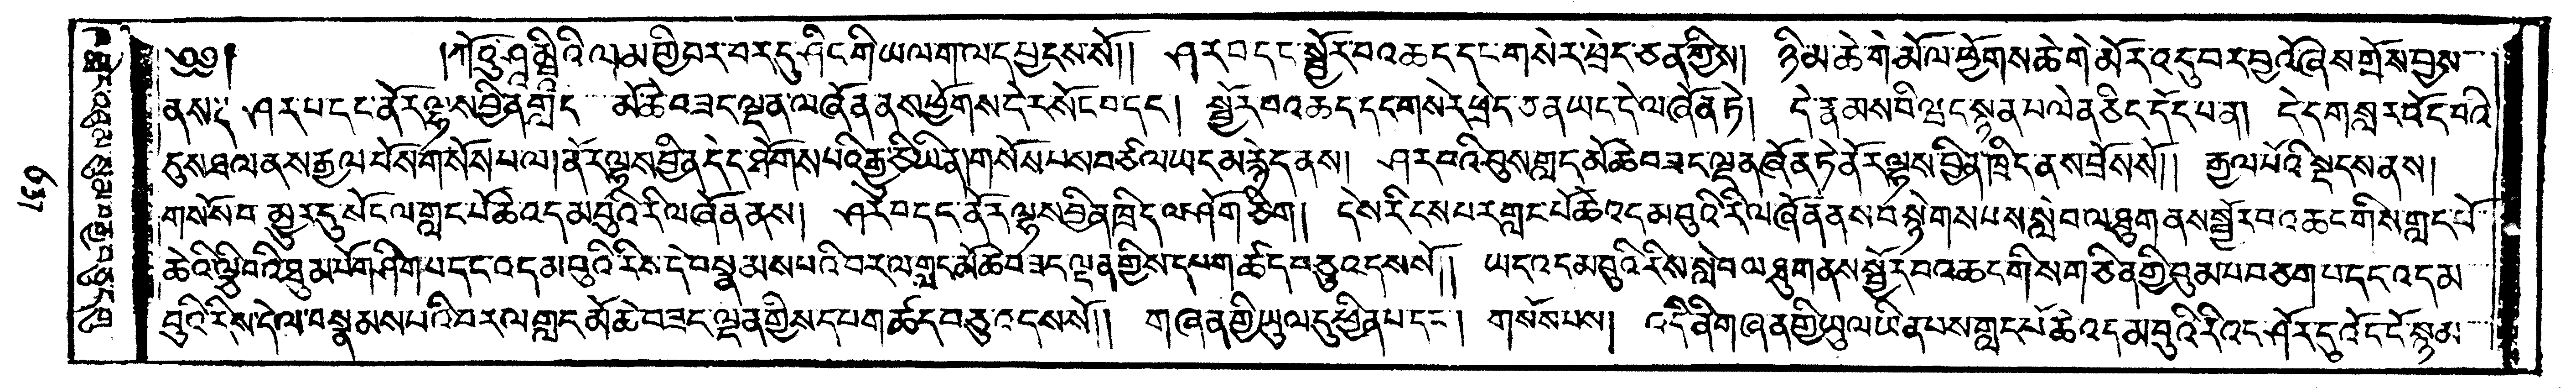༄༅། །ཀོའུ་ཤཱམྦཱིའི་ལམ་གྱི་བར་བར་དུ་ཤིང་གི་ཡལ་ག་ལ་དཔྱངས་སོ།། ཤར་བ་དང་སྦྱོར་བ་འཆང་དང་གསེར་ཕྲེང་ཅན་གྱིས། ཉི་མ་ཆེ་གེ་མོ་ལ་ཕྱོགས་ཆེ་གེ་མོར་འདུ་བར་བྱའོ་ཞེས་གྲོས་བྱས་
ནས༑ ཤར་པ་དང་ནོར་ལྷས་བྱིན་གླང་མོ་ཆེ་བཟང་ལྡན་ལ་ཞོན་ནས་ཕྱོགས་དེར་སོང་བ་དང་། སྦྱོར་བ་འཆད་དང་གསེར་ཕྲེང་ཅན་ཡང་དེ་ལ་ཞོན་ཏེ། དེ་རྣམས་བི་ཝང་སྙན་པ་ལེན་ཅིང་དོང་པ་ན། དེ་དག་སླར་འོང་བའི་
དུས་ཐལ་ནས་རྒྱལ་པོས་གསོས་པ་ལ། ནོར་ལྷས་བྱིན་དེད་ཐོགས་པའི་རྒྱུ་ཅི་ཡིན། གསོས་པས་བཙལ་ཡང་མ་རྙེད་ནས། ཤར་བའི་བུས་གླང་མོ་ཆེ་བཟང་ལྡན་ཞོན་ཏེ་ནོར་ལྷས་བྱིན་ཁྲིད་ནས་བྲོས་སོ།། རྒྱལ་པོའི་སྡངས་ནས།
གསོས་བ་མྱུར་དུ་སོང་ལ་གླང་པོ་ཆེ་འདམ་བུའི་རིལ་ཞོན་ནས། ཤར་བ་དང་ནོར་ལྷས་བྱིན་ཁྲིད་ལ་ཤོག་ཅིག། དེས་རིངས་པར་གླང་པོ་ཆེ་འདམ་བུའི་རིལ་ཞོན་ནས་བསྙེགས་པས་སླེབ་ལ་ཐུག་ནས་སྦྱོར་བ་འཆང་གིས་གླང་པོ་
ཆེའི་ལྕི་བའི་ཐུམ་པོ་གཤིག་པ་དང་འདམ་བུའི་རིས་དེ་བསྣམས་པའི་བར་ལ་གླང་མོ་ཆེ་བཟང་ལྡན་གྱིས་དཔག་ཚད་བཅུ་འདས་སོ།། ཡང་འདམ་བུའི་རིས་སླེབ་ལ་ཐུག་ནས་སྦྱོར་བ་འཆང་གིས་གཅིན་གྱི་བུམ་པ་བཅག་པ་དང་འདམ་
བུའི་རིས་དེ་ལ་བསྣམས་པའི་བར་ལ་གླང་མོ་ཆེ་བཟང་ལྡན་གྱིས་དཔག་ཚད་བཅུ་འདས་སོ།། གཞན་གྱི་ཡུལ་དུ་ཕྱིན་པ་དང་། གསོས་པས། འདི་ནི་གཞན་གྱི་ཡུལ་ཡིན་པས་གླང་པོ་ཆེ་འདམ་བུའི་རིའང་ཤོར་དུ་འོང་ངོ་སྙམ་